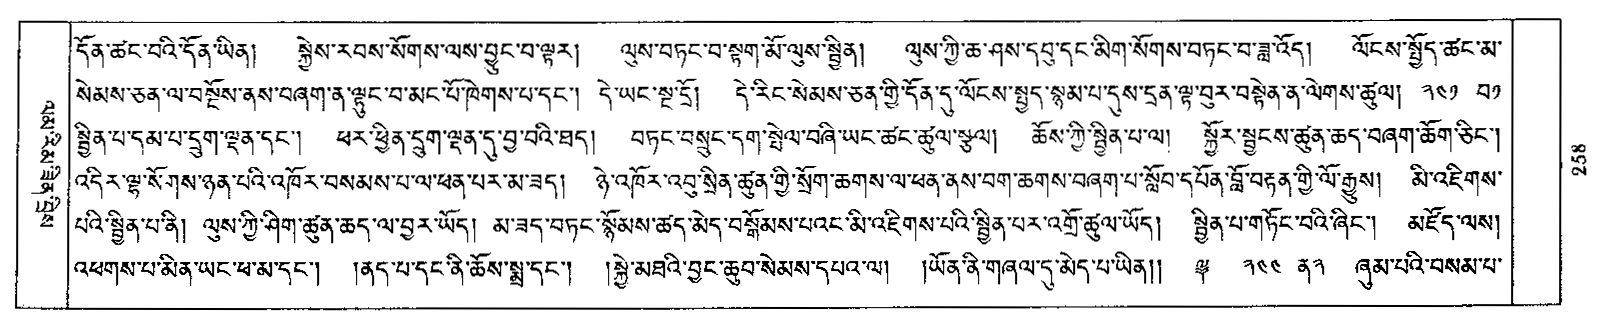དོན་ཚང་བའི་དོན་ཡིན། སྐྱེས་རབས་སོགས་ལས་བྱུང་བ་ལྟར། ལུས་བཏང་བ་སྟག་མོ་ལུས་སྦྱིན། ལུས་ཀྱི་ཆ་ཤས་དབུ་དང་མིག་སོགས་བཏང་བ་ཟླ་འོད། ལོངས་སྤྱོད་ཚང་མ་
སེམས་ཅན་ལ་བསྔོས་ནས་བཞག་ན་ལྟུང་བ་མང་པོ་ཁེགས་པ་དང་། དེ་ཡང་སྔ་དྲོ། དེ་རིང་སེམས་ཅན་གྱི་དོན་དུ་ལོངས་སྤྱད་སྙམ་པ་དུས་དྲན་ལྟ་བུར་བསྟེན་ན་ལེགས་ཚུལ། ༢༤༡་བ ༡
སྦྱིན་པ་དམ་པ་དྲུག་ལྡན་དང་། ཕར་ཕྱིན་དྲུག་ལྡན་དུ་བྱ་བའི་ཐད། བཏང་བསྲུང་དག་སྤེལ་བཞི་ཡང་ཚང་ཚུལ་སྩལ། ཆོས་ཀྱི་སྦྱིན་པ་ལ། སྐྱོར་སྦྱངས་ཚུན་ཆད་བཞག་ཆོག་ཅིང་།
འདིར་ལྷ་སོགས་ཉན་པའི་འཁོར་བསམས་པ་ལ་ཕན་པར་མ་ཟད། ཉེ་འཁོར་འབུ་སྲིན་ཚུན་གྱི་སྲོག་ཆགས་ལ་ཕན་ནས་བག་ཆགས་བཞག་པ་སློབ་དཔོན་བློ་བརྟན་གྱི་ལོ་རྒྱུས། མི་འཇིགས་
པའི་སྦྱིན་པ་ནི། ལུས་ཀྱི་ཤིག་ཚུན་ཆད་ལ་བྱར་ཡོད། མ་ཟད་བཏང་སྙོམས་ཚད་མེད་བསྒོམས་པའང་མི་འཇིགས་པའི་སྦྱིན་པར་འགྲོ་ཚུལ་ཡོད། སྦྱིན་པ་གཏོང་བའི་ཞིང་། མཛོད་ལས།
འཕགས་པ་མིན་ཡང་ཕ་མ་དང་། །ནད་པ་དང་ནི་ཆོས་སྨྲ་དང་། །སྐྱེ་མཐའི་བྱང་ཆུབ་སེམས་དཔའ་ལ། །ཡོན་ནི་གཞལ་དུ་མེད་པ་ཡིན།། ༈ ༢༤༤་ན ༢་ཞུམ་པའི་བསམ་པ་